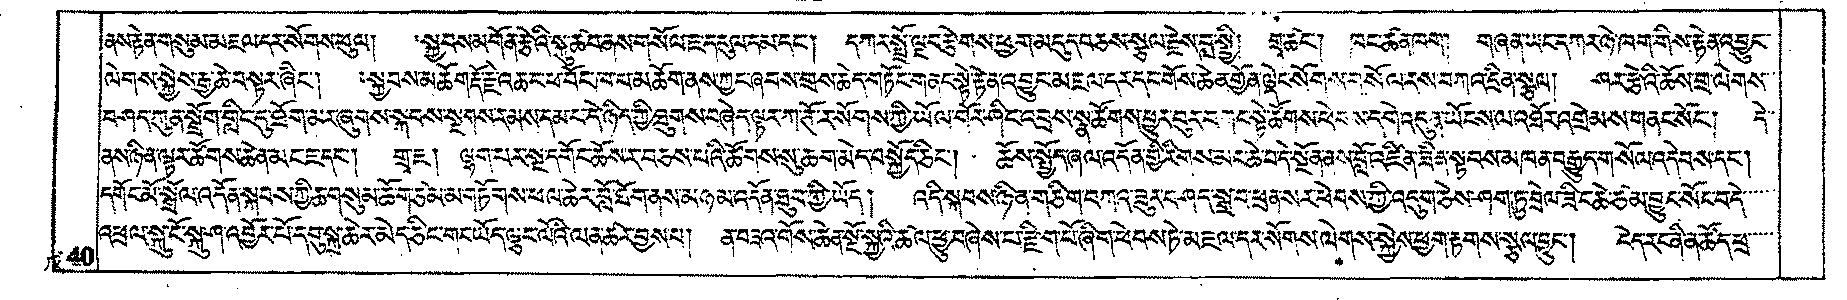ནས་རྟེན་གསུམ་མཇལ་དར་སོགས་ཕུལ། ༧སྐྱབས་མགོན་རྩེའི་སྐུ་ཚབ་ནས་གསོལ་ཇ་དངུལ་དམ་དང་། དཀར་སྤྲོ་ལྔ་བརྩེགས་ཕྱག་མདུད་བཅས་སྩལ་རྗེས་བླ་སྤྱི། གྲྭ་ཚང་། ཁང་ཚན་ཁག །གཞན་ཡང་དཀར་ཉེ་ཁག་གིས་རྟེན་འབྱུང་
ལེགས་སྐྱེས་རྒྱ་ཆེ་བསྟར་ཞིང་། ༧སྐྱབས་མཆོག་རྡོ་རྗེ་འཆང་ཕ་བོང་ཁ་པ་མཆོག་ནས་ཀྱང་ཞབས་གྲས་ཆེད་གཏོང་གནང་སྟེ་རྟེན་འབྱུང་མཇལ་དར་དང་གོས་ཆེན་གྱོན་ལྡེང་སོགས་གསོལ་རས་བཀའ་དྲིན་སྩལ། ཤར་རྩེའི་ཆོས་གྲ་ལེགས་
བཤད་ཀུན་སྒྲོག་གླིང་དུ་ཐོག་མར་ཞུགས་སྐབས་སྔགས་རམས་དམ་པ་དེ་ཉིད་ཀྱི་ཐུགས་བཞེད་ལྟར་ཀ་ཊོ་ར་སོགས་ཀྱི་ཡོལ་གོར་ཤིང་འབྲས་སྣ་ཚོགས་ཕྱུར་བུར་བཀང་སྟེ་ཚོགས་ཕེབས་དགེ་འདུན་ཡོངས་ལ་འཐོར་འགྲེམས་གནང་སོང་། དེ་
ནས་ཉིན་ལྟར་ཚོགས་ཆེན་མང་ཇ་དང་། གྲྭ་ཇ། ལྷག་པར་སྔ་དགོང་ཆོས་ར་བཅས་པའི་ཚོགས་སུ་ཆག་མེད་བསྐྱོད་ཅིང་། ཆོས་སྤྱོད་ཞལ་འདོན་གྱི་རིགས་མང་ཆེ་བ་དེ་སྔོན་ནས་བློ་འཛིན་ཟིན་སྟབས་མཁན་བརྒྱུད་གསོལ་འདེབས་དང་།
དགོང་མོ་སྒྲོལ་འདོན་སྐབས་ཀྱི་ཆ་གསུམ་ཆོ་ག་ཙམ་མ་གཏོགས་ཕལ་ཆེར་བློ་ཐོག་ནས་མཉམ་འདོན་ཐུབ་ཀྱི་ཡོད། འདི་སྐབས་ཉིན་གཅིག་བཀའ་ཟུར་བཤད་སྒྲ་བ་ཕྲན་སར་ཕེབས་ཀྱི་འདུག་ཅེས་ཤག་ཏུ་བྲེལ་ཟིང་ཆེ་ཙམ་བྱུང་སོང་བ་དེ་
འཕྲལ་སྐུ་ངོ་སྐུ་ཤ་འབྱོར་པོ་དབུ་སྐྲ་ཆེར་མེད་ཅིང་གང་ཡོད་ལྕང་ལོའི་ལན་ཚར་བྱས་པ། ན་བཟའ་གོས་ཆེན་སྔོ་སྐྱའི་ཚལ་ཕྱུ་བཞེས་པ་རྫིག་པོ་ཞིག་ཕེབས་ཏེ་མཇལ་དར་སོགས་ལེགས་སྐྱེས་ཕྱག་རྟགས་སྩལ་བྱུང་། ངེད་རང་ནི་ན་ཚོད་ཕྲ་